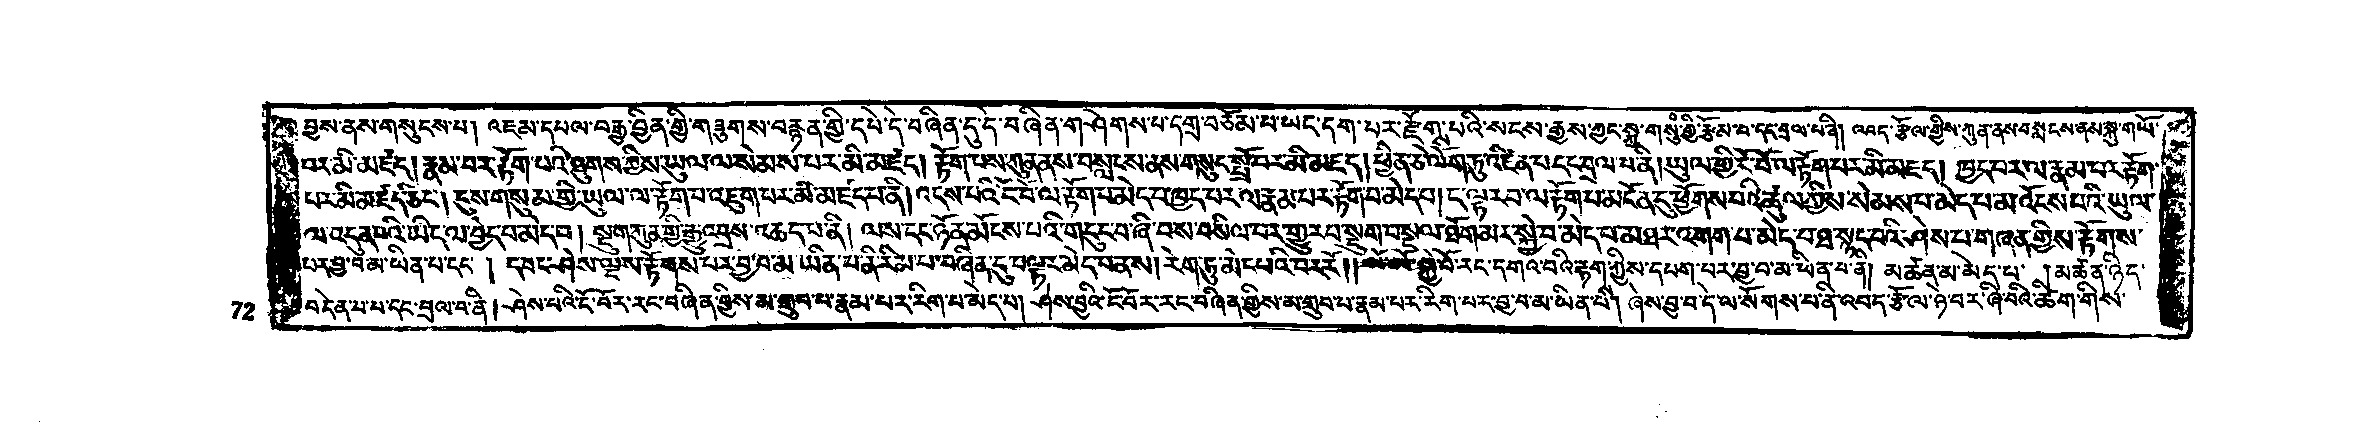བྱས་ནས་གསུངས་པ། འཇམ་དཔལ་བརྒྱ་བྱིན་གྱི་གཟུགས་བརྙན་གྱི་དཔེ་དེ་བཞིན་དུ་དེ་བཞིན་གཤེགས་པ་དགྲ་བཅོམ་པ་ཡང་དག་པར་རྫོགས་པའི་སངས་རྒྱས་ཀྱང་སྐུ་གསུམ་གྱི་རྩོམ་པ་དང་བྲལ་བ་ནི། འབད་རྩོལ་གྱིས་ཀུན་ནས་བསླངས་ནས་སྐུ་གཡོ་
བར་མི་མཛད། རྣམ་པར་རྟོག་པའི་ཐུགས་ཀྱིས་ཡུལ་ལ་སེམས་པར་མི་མཛད། རྟོག་པས་ཀུན་ནས་བསླངས་ནས་གསུང་སྤྲོ་བར་མི་མཛད། ཕྱིན་ཅི་ལོག་ཏུ་འཛིན་པ་དང་བྲལ་བ་ནི། ཡུལ་གྱི་ངོ་བོ་ལ་རྟོགས་པར་མི་མཛད། ཁྱད་པར་ལ་རྣམ་པར་རྟོག་
པར་མི་མཛད་ཅིང་། དུས་གསུམ་གྱི་ཡུལ་ལ་རྟོག་པ་འཇུག་པར་མི་མཛད་པ་ནི། འདས་པའི་ངོ་བོ་ལ་རྟོག་པ་མེད་པ་ཁྱད་པར་ལ་རྣམ་པར་རྟོག་པ་མེད་པ། ད་ལྟར་བ་ལ་རྟོག་པ་མངོན་དུ་ཕྱོགས་པའི་ཚུལ་གྱིས་སེམས་པ་མེད་པ་མ་འོངས་པའི་ཡུལ་
ལ་འདུན་པའི་ཡིད་ལ་བྱེ་དཔ་མེད་པ། སྡུག་ཀུན་གྱི་རྒྱུ་འབྲས་འཆད་པ་ནི། ལས་དང་ཉོན་མོངས་པའི་གདུང་བ་ཞི་བས་བསིལ་བར་གྱུར་བ་སྡུག་བསྔལ་ཐོག་མར་སྐྱེ་བ་མེད་པ་མཐར་འགག་པ་མེད་པ་ཐ་སྙེད་པའི་ཤེས་པ་གཞན་གྱིས་རྟོགས་
པར་བྱ་བ་མ་ཡིན་པ་དང་། དབང་ཤེས་ལྔས་རྟོགས་པར་བྱ་བ་མ་ཡིན་པ་ནི་རིམ་པ་བཞིན་དུ་བལྟར་མེད་པ་ནས། རེག་ཏུ་མེད་པའི་བར་རོ། ། སོ་སོ་སྐྱེ་བོ་རང་དགའ་བའི་རྟགས་ཀྱིས་དཔག་པར་བྱ་བ་མ་ཡི་པ་ནི། མཚན་མ་མེད་པ། མཚན་ཉིད་
བདེན་པ་བ་དང་བྲལ་བ་ནི། ཤེས་པའི་ངོ་བོ་རང་བཞིན་གྱིས་མ་གྲུབ་པ་རྣམ་པར་རིགས་པ་མེད་པ། ཤེས་བྱའི་ངོ་བོར་རང་བཞིན་གྱིས་མ་གྲུབ་པ་རྣམ་པར་རིག་པར་བྱ་བ་མ་ཡིན་པ། ཞེས་བྱ་བ་དེ་ལ་སོགས་པ་ནི་འབད་རྩོལ་ཉེ་བར་ཞི་བའི་ཚིག་གིས་